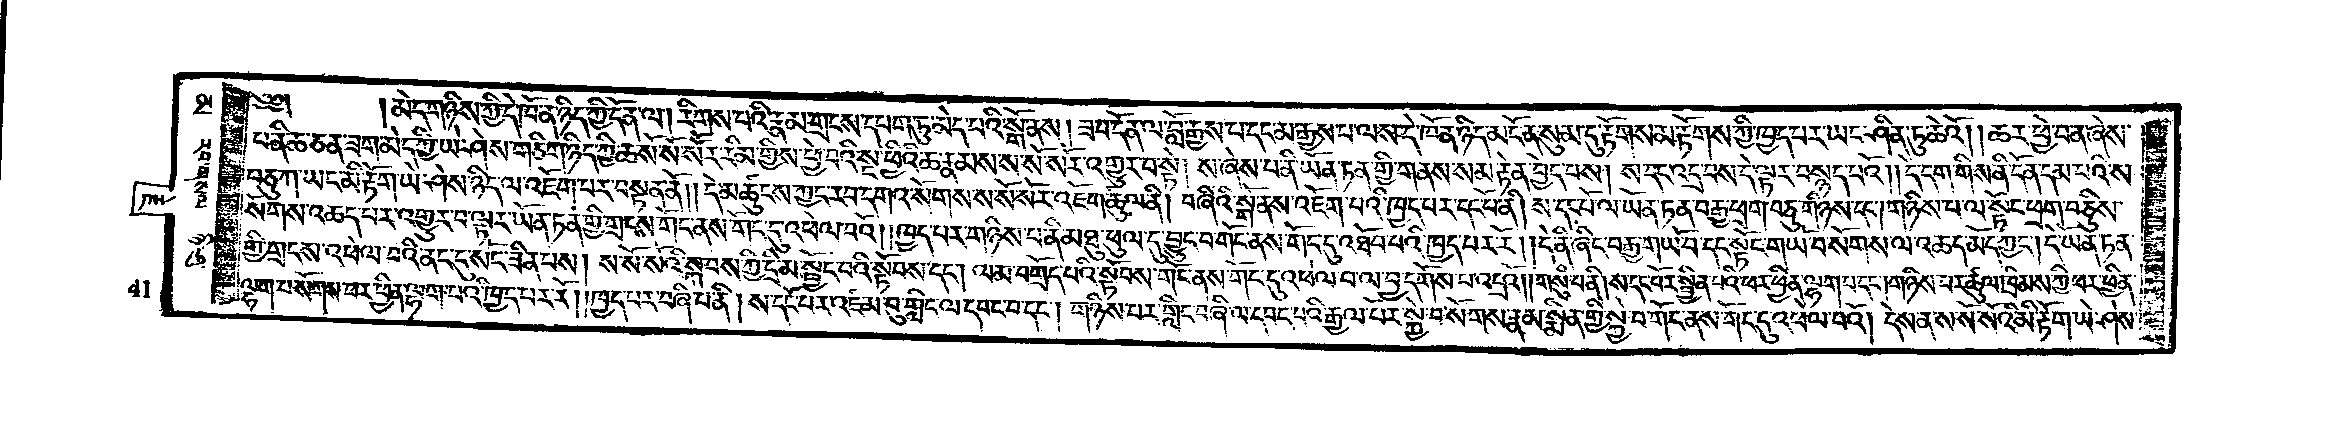༄༅། །མེད་གཉིས་ཀྱི་དེ་ཁོ་ན་ཉིད་ཀྱི་དོན་ལ། རིགས་པའི་རྣམ་གྲངས་དཔག་ཏུ་མེད་པའི་སྒོ་ནས། ཟབ་དོན་ལ་བློ་རྒྱས་པ་དང་མ་རྒྱས་པ་ལས་དེ་ཁོ་ན་ཉིད་མངོན་སུམ་དུ་རྟོགས་མ་རྟོགས་ཀྱི་ཁྱད་པར་ཡང་ཤིན་ཏུ་ཆེའོ། །ཆར་ཕྱེ་བ་ན་ཞེས་
པ་ནི་ཆ་ཅན་ཟག་མེད་ཀྱི་ཡེ་ཤེས་གཅིག་ཉིད་ཀྱི་ཆ་སོ་སོ་སོར་རིམ་གྱིས་ཕྱེ་བའི་སྔ་ཕྱིའི་ཆ་རྣམས་ས་སོ་སོར་འགྱུར་བ་སྟེ། ས་ཞེས་པ་ནི་ཡོན་ཏན་གྱི་གནས་སམ་རྟེན་བྱེད་པས། ས་དང་འདྲ་བས་དེ་ལྟར་བསྙད་པའོ། །དེ་དག་གིས་ནི་དོན་དམ་པའི་ས་
བཅུ་ཀ་ཡང་མི་རྟོག་ཡེ་ཤེས་ཉིད་ལ་འཇོག་པར་བསྟན་ནོ། །དེ་མཚུངས་ཀྱང་རབ་དགའ་སོགས་ས་སོ་སོར་འཇོག་ཚུལ་ནི། བཞིའི་སྒོ་ནས་འཇོག་པའི་ཁྱད་པར་དང་པོ་ནི། ས་དང་པོ་ལ་ཡོན་ཏན་བརྒྱ་ཕྲག་བཅུ་གཉིས་དང་། གཉིས་པ་ལ་སྟོང་ཕྲག་བཅུ་གཉིས་
སོགས་འཆད་པར་འགྱུར་བ་ལྟར་ཡོན་ཏན་གྱི་གྲངས་གོང་ནས་གོང་དུ་འཕེལ་བའོ། །ཁྱད་པར་གཉིས་པ་ནི་མཐུ་ཕུལ་དུ་བྱུང་བ་གོང་ནས་གོང་དུ་འཐོབ་པའི་ཁྱད་པར་རོ། །དེ་ནི་ཞིང་བརྒྱ་གཡོ་བ་དང་སྟོང་གཡོ་བ་སོགས་ལ་འཆད་མོད་ཀྱང་། དེ་ཡོན་ཏན་
གྱི་གྲངས་འཕེལ་བའི་ནང་དུ་སོང་ཟིན་པས། ས་སོ་སོའི་སྐབས་ཀྱི་དྲི་མ་སྦྱོང་བའི་སྟོབས་དང་། ལམ་བགྲོད་བའི་སྟོབས་གོང་ནས་གོང་དུ་འཕེལ་བ་ལ་བྱ་དགོས་པ་འདྲའོ། །གསུམ་པ་ནི། ས་དང་པོར་སྦྱིན་པའི་ཕར་ཕྱིན་ལྷག་པ་དང་། གཉིས་པར་ཚུལ་ཁྲིམས་ཀྱི་ཕར་ཕྱིན་
ལྷག་པ་སོགས་ཕར་ཕྱིན་ལྷག་པའི་ཁྱད་པར་རོ། །ཁྱད་པར་བཞི་པ་ནི། ས་དང་པོར་འཛམ་བུ་གླིང་ལ་དབང་བ་དང་། གཉིས་པར་གླིང་བཞི་ལ་དབང་པའི་རྒྱལ་པོར་སྐྱེ་བ་སོགས་རྣམ་སྨིན་གྱི་སྐྱེ་བ་གོང་ནས་གོང་དུ་འཕེལ་བའོ། དེས་ན་ས་སོ་སོའི་མི་རྟོག་ཡེ་ཤེས་